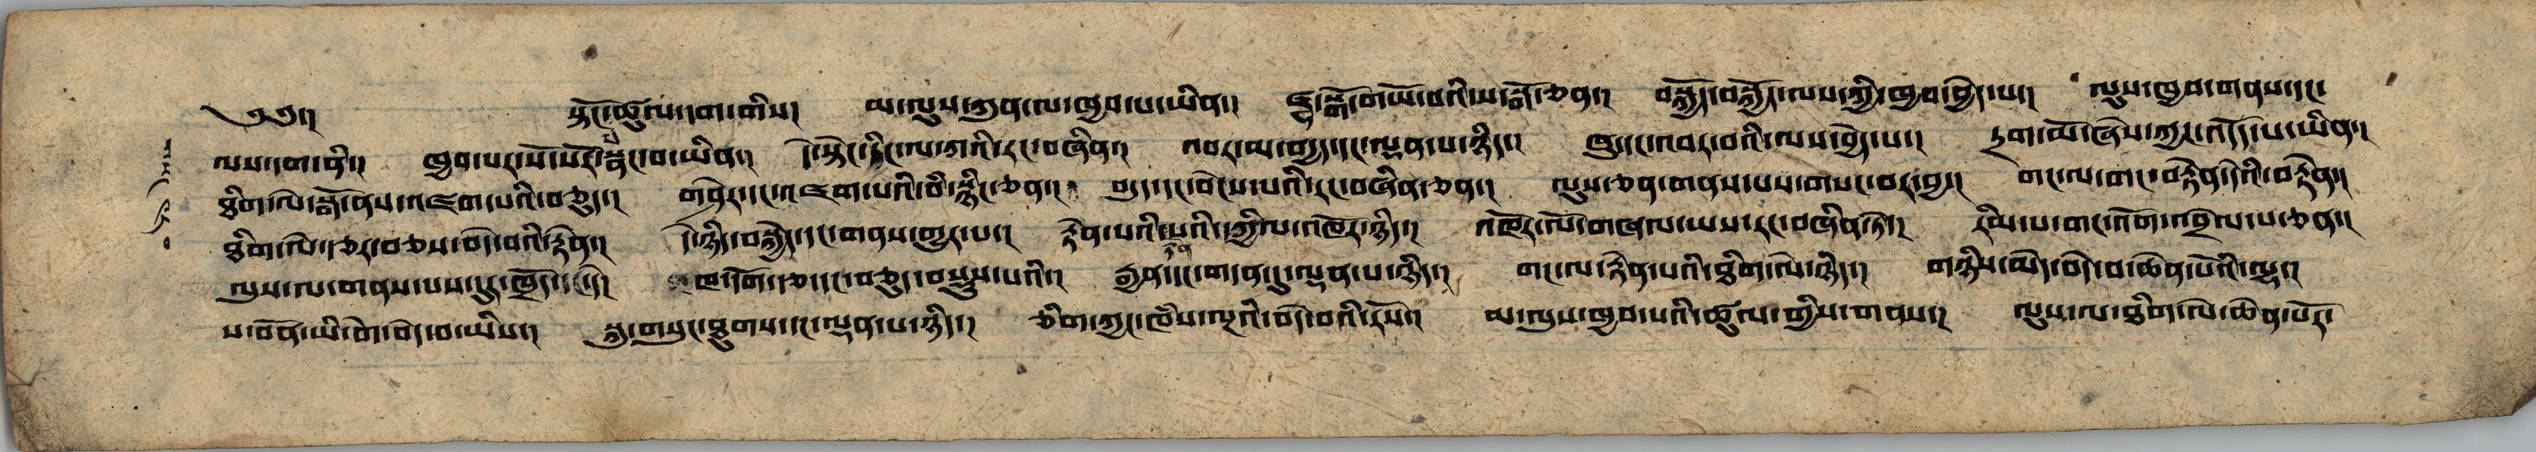༄༅་། སྟོང་ཚུལ་དག་གིས། མ་ལུས་ཀུན་ལ་ཁྱབ་པ་ཡིན་། ཛྷ་སྒོ་གཡོ་བའི་ས་སྒོ་ཅན་། བསྐྱོད་བསྐྱོད་ལས་ཀྱི་ཁྱབ་བྱེད་པ་། ལུས་ཁྱབ་གནས་དང་
ལས་དག་ནི་། ཁྱད་པར་སོ་སོར་སྣང་བ་ཡིན་། དེ་སྟེང་ཏིང་ལ་ཀའི་རང་བཞིན་། འབར་མ་བདྱད་དང་ལྡན་པ་ཉིད་། ཁུ་དང་འབར་བའི་ལས་བྱེད་པ་། དྲག་མོ་ཞེས་ཀྱང་འདོད་པ་ཡིན་།
ཐིག་ལེ་སྒོ་ནས་འཛག་པའི་བཅུད་། གཤེར་དང་འཛག་པའི་བཾ་སྙིང་ཅན་། བདུད་དང་བེངས་པའི་རང་བཞིན་ཅན་། ལུས་ཅན་གནས་པས་གསང་བར་བྱ་། གང་ལ་གང་བརྟེན་དེའི་བརྟེན་།
ཐིག་ལེ་རྩར་བཅས་བདེ་བའི་རྟེན་། དེ་ཉིད་བསྐྱེད་དང་གནས་གྱུར་པ་། རྟེན་པའི་རྟེན་པའི་དཀྱིལ་འཁོར་ཉིད་། འཁོར་ལོ་གཞལ་ཡས་རང་བཞིན་ཏེ་། རིམ་པ་གང་འོག་འབྲེལ་པ་ཅན་།
ལུས་ལ་གནས་པས་དུར་ཁྲོད་དང་དེ། ཁ་དོག་རྩ་དང་བཅུད་བསྡུས་པའི་། རྒྱན་དང་གདན་དུ་ལྡན་པ་ཉིད་། གང་ལ་རྟེན་པའི་ཐིག་ལེ་ཉིད་། གཉིས་མེད་བདེ་བ་ཆེན་པོའི་ལྷ་།
ས་བོན་ཡི་གེ་བདེ་བ་ཡིས་། སྐུ་གསུང་ཐུགས་དང་ལྡན་པ་ཉིད་། ཅིག་ཀྱང་ཁཾས་ལྔའི་བདེ་བའི་རོས་། མ་ལུས་ཁྱབ་པའི་ཚུལ་གྱིས་གནས་། ལུས་ལ་ཐིག་ལེ་ཆེན་པོར་